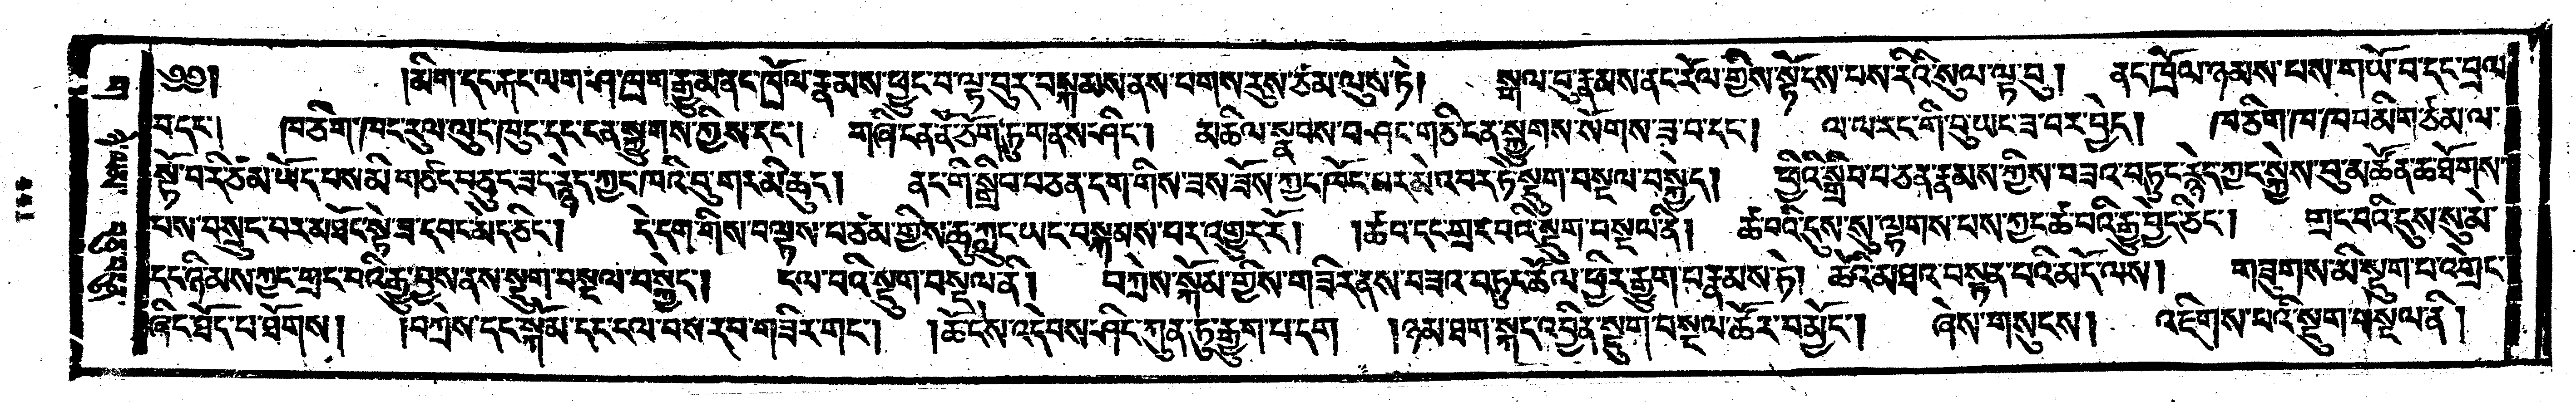༄༅། །མིག་དང་རྐང་ལག་ཤ་ཁྲག་རྒྱུ་མ་ནང་ཁྲོལ་རྣམས་ཕྱུང་བ་ལྟ་བུར་བསྐམས་ནས་པགས་རུས་ཙམ་ལུས་ཏེ། སྒལ་བུ་རྣམས་ནང་རོལ་གྱིས་སྟོངས་པས་རིའི་སུལ་ལྟ་བུ། ནང་ཁྲོལ་ཉམས་པས་གཡོ་བ་དང་བྲལ་
བ་དང་། ཁ་ཅིག་ཁང་རུལ་ལུང་ཁུང་དང་ངན་སྐྱུགས་ཀྱིས་དང་། གཞི་ངན་ནོ་ཅོག་ཏུ་གནས་ཤིང་། མཆིལ་སྣབས་བཤང་གཅི་ངན་སྐྱུགས་སོགས་ཟ་བ་དང་། ལ་ལ་རང་གི་བུ་ཡང་ཟ་བར་བྱེད། ཁ་ཅིག་ཁ་ཁབ་མིག་ཙམ་ལ་
སྟོ་བ་རི་ཙམ་ཡོད་པས་མི་གཙང་བ་ཅུང་ཟད་རྙེད་ཀྱང་ཁའི་བུ་གར་མི་ཆུང་། ནང་གི་སྒྲིབ་པ་ཅན་ངག་གིས་ཟས་ཀྱང་ཁོང་བར་མེ་འབར་ཏེ་སྡུག་བསྔལ་བསྐྱེད། ཕྱིའི་སྒྲིབ་པ་ཅན་རྣམས་ཀྱིས་བཟའ་བཏུང་རྙེད་ཀྱང་སྐྱེས་བུ་མཚོན་ཆ་ཐོགས་
པས་བསྲུང་བར་མཐོང་སྟེ་ཟ་དབང་མེད་ཅིང་། དེ་དག་གིས་བལྟས་པ་ཙམ་གྱིས་ཆུ་ཀླུང་ཡང་བསྐམས་པར་འགྱུར་རོ། །ཚ་བ་དང་གྲང་བའི་སྡུག་བསྔལ་ནི། ཚ་བའི་དུས་སུ་ལྷགས་པས་ཀྱང་ཚ་བའི་རྒྱུ་བྱེད་ཅིང་། གྲང་བའི་དུས་སུ་མེ་
དང་ཉི་མས་ཀྱང་གྲང་བའི་རྒྱུ་བྱས་ནས་སྡུག་བསྔལ་བསྐྱེད། ངལ་བའི་སྡུག་བསྔལ་ནི། བཀྲེས་སྐོམ་གྱིས་གཟིར་ནས་བཟའ་བཏུང་ཚོལ་ཕྱིར་རྒྱུག་པ་རྣམས་ཏེ། ཚེའི་མཐའ་བསྟན་པའི་མདོ་ལས། གཟུགས་མི་སྡུག་པ་འགྲེང་
ཞིང་ཐོད་པ་ཐོགས། །བཀྲེས་དང་སྐོམ་དང་ངལ་བས་རབ་གཟིར་གང་། །ཆོ་ངེས་འདེབས་ཤིང་ཀུན་ཏུ་རྒྱུག་པ་དག །ཉམ་ཐག་སྐང་འབྱིན་སྡུག་བསྔལ་ཚོར་བ་མྱོང་། ཞེས་གསུངས། འཇིགས་པའི་སྡུག་བསྔལ་ནི།